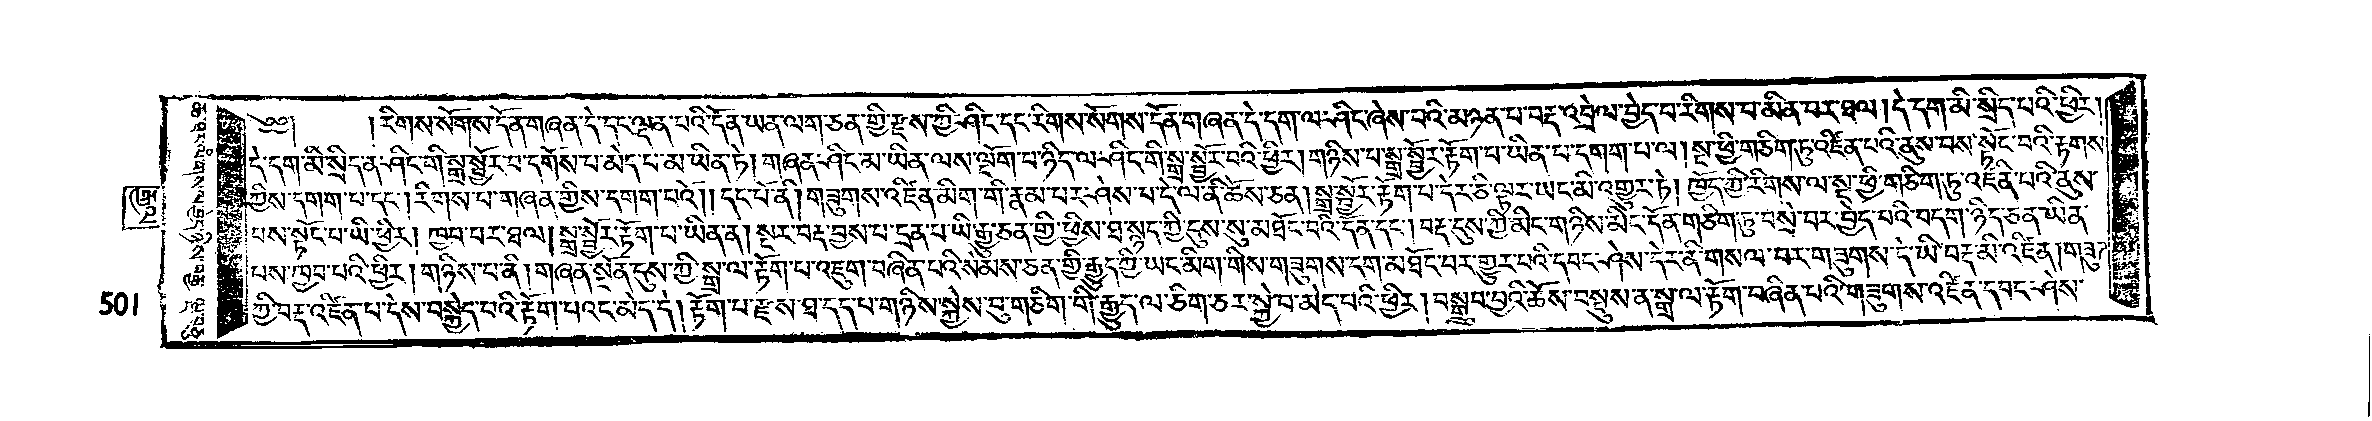༄༅། །རིགས་སོགས་དོན་གཞན་དེ་དང་ལྡན་པའི་དོན་ཡན་ལག་ཅན་གྱི་རྫས་ཀྱི་ཤིང་དང་རིགས་སོགས་དོན་གཞན་དེ་དག་ལ་ཤིང་ཞེས་པའི་མཉན་པ་བརྡ་འབྲེལ་བྱེད་པ་རིགས་པ་མིན་པར་ཐལ། དེ་དག་མི་སྲིད་པའི་ཕྱིར།
དེ་དག་མི་སྲིད་ན་ཤིང་གི་སྒྲ་སྦྱར་བ་དགོས་པ་མེད་པ་མ་ཡིན་ཏེ། གཞན་ཤིང་མ་ཡིན་ལས་ལྡོག་པ་ཉིད་ལ་ཤིང་གི་སྒྲ་སྦྱོར་བའི་ཕྱིར། གཉིས་པ་སྒྲ་སྦྱོར་རྟོག་པ་ཡིན་པ་དགག་པ་ལ། སྔ་ཕྱི་གཅིག་ཏུ་འཛིན་པའི་ནུས་པས་སྟོང་པའི་རྟགས་
ཀྱིས་དགག་པ་དང་། རིགས་པ་གཞན་གྱིས་དགག་པའོ། །དང་པོ་ནི། གཟུགས་འཛིན་མིག་གི་རྣམ་པར་ཤེས་པ་དེ་ལ་ནི་ཆོས་ཅན། སྒྲ་སྦྱོར་རྟོག་པ་དེར་ཅི་ལྟར་ཡང་མི་འགྱུར་ཏེ། ཁྱོད་ཀྱི་རིགས་ལ་སྔ་ཕྱི་གཅིག་ཏུ་འཛིན་པའི་ནུས་
པས་སྟོང་པ་ཡི་ཕྱིར། ཁྱབ་པར་ཐལ། སྒྲ་སྦྱོར་རྟེག་པ་ཡིན་ན། སྔར་བརྡ་བྱས་པ་དྲན་པ་ཡི་རྒྱུ་ཅན་གྱི་ཕྱིས་ཐ་སྙད་ཀྱི་དུས་སུ་མཐོང་བའི་དོན་དང་། བརྡ་དུས་ཀྱི་མིང་གཉིས་མིང་དོན་གཅིག་ཏུ་བསྲེ་བར་བྱེད་པའི་བདག་ཉིད་ཅན་ཡིན་
པས་ཁྱབ་པའི་ཕྱིར། གཉིས་པ་ནི། གཞན་སྔོན་དུས་ཀྱི་སྒྲ་ལ་རྟོག་པ་འཇུག་བཞིན་པའི་སེམས་ཅན་གྱི་རྒྱུད་ཀྱི་ཡང་མིག་གིས་གཟུགས་དག་མཐོང་བར་གྱུར་པའི་དབང་ཤེས་དེར་ནི་གསལ་བར་གཟུགས་དེ་ཡི་བརྡ་མི་འཛིན། གཟུགས་
ཀྱི་བརྡ་འཛིན་པ་དེས་བསྐྱེད་པའི་རྟོག་པའང་མེད་དེ། རྟོག་པ་རྫས་ཐ་དད་པ་གཉིས་སྐྱེས་བུ་གཅིག་གི་རྒྱུད་ལ་ཅིག་ཅར་སྐྱེ་བ་མེད་པའི་ཕྱིར། བསྒྲུབ་བྱའི་ཆོས་བསྡུས་ན་སྒྲ་ལ་རྟོག་བཞིན་པའི་གཟུགས་འཛིན་དབང་ཤེས་